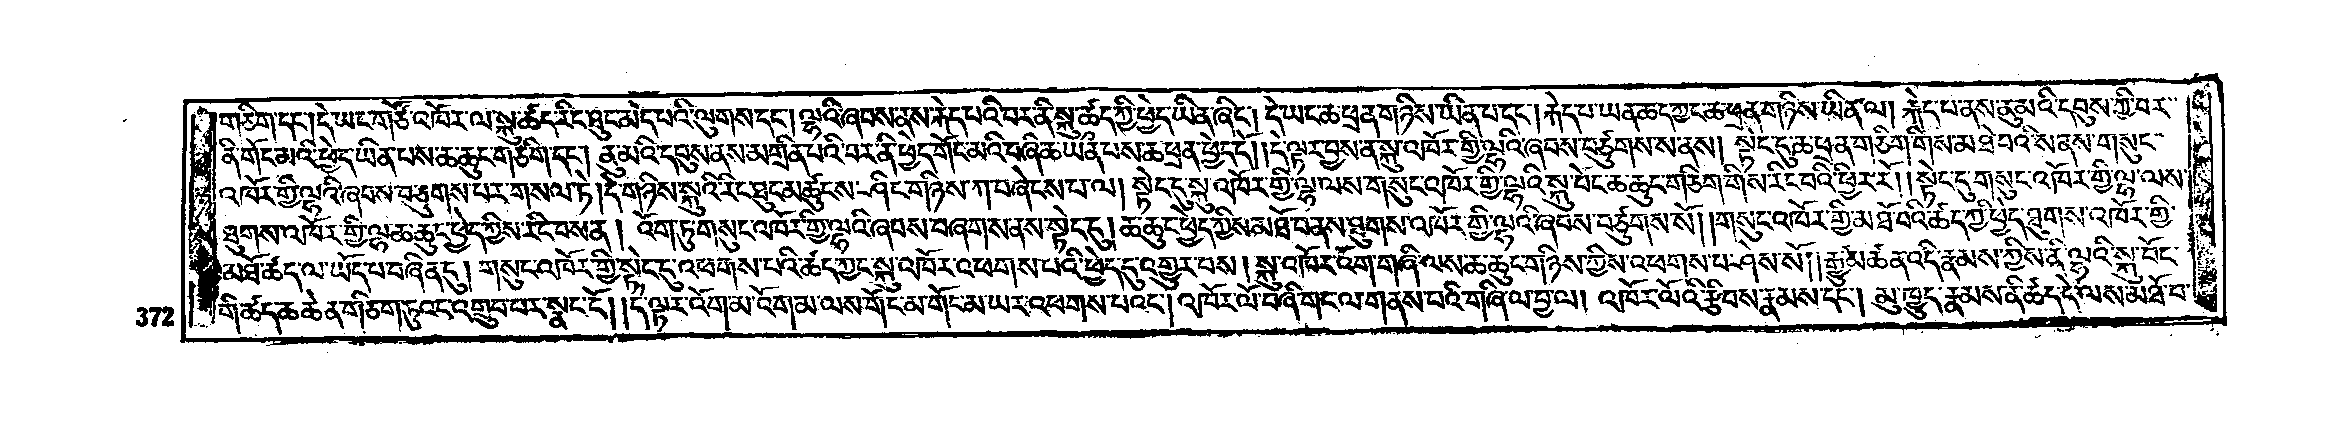གཅིག་དང་། དེ་ཡང་གཙོ་འཁོར་ལ་སྐུ་ཚད་རིང་ཐུང་མེད་པའི་ལུགས་དང་། ལྷའི་ཞབས་ནས་རྐེད་པའི་བར་ནི་སྐུ་ཚད་ཀྱི་ཕྱེད་ཡིན་ཞིང་། དེ་ཡང་ཆ་ཕྲན་གཉིས་ཡིན་པ་དང་། རྐེད་པ་ཡན་ཆད་ཀྱང་ཆ་ཕྲན་གཉིས་ཡིན་ལ། རྐེད་པ་ནས་ནུ་མའི་དབུས་ཀྱི་བར་
ནི་གོང་མའི་ཕྱེད་ཡིན་པས་ཆ་ཆུང་གཅིག་དང་། ནུ་མའི་དབུས་ནས་མགྲིན་པའི་བར་ནི་ཕྱེད་གོང་མའི་བཞི་ཆ་ཡིན་པས་ཆ་ཕྲན་ཕྱེད་དོ། །དེ་ལྟར་བྱས་ན་སྐུ་འཁོར་གྱི་ལྷའི་ཞབས་བཙུགས་ས་ནས། སྟེང་དུ་ཆ་ཕྲན་གཅིག་གིས་མཐེ་བའི་ས་ནས་གསུང་
འཁོར་གྱི་ལྷའི་ཞབས་བཙུགས་པར་གསལ་ཏེ། དེ་གཉིས་སྐུའི་རིང་ཐུང་མཚུངས་ཤིང་གཉིས་ཀ་བཞེངས་པ་ལ། སྟེང་དུ་སྐུ་འཁོར་གྱི་ལྷ་ལས་གསུང་འཁོར་གྱི་ལྷའི་སྐུ་བོང་ཆ་ཆུང་གཅིག་གིས་རིང་བའི་ཕྱིར་རོ། །སྟེང་དུ་གསུང་འཁོར་གྱི་ལྷ་ལས་
ཐུགས་འཁོར་གྱི་ལྷ་ཆ་ཆུང་ཕྱེད་ཀྱིས་རིང་བས་ན། འོག་ཏུ་གསུང་འཁོར་གྱི་ལྷའི་ཞབས་བཞགས་ནས་སྟེང་དུ། ཆ་ཆུང་ཕྱེད་ཀྱིས་མཐོ་བ་ནས་ཐུགས་འཁོར་གྱི་ལྷའི་ཞབས་བཙུགས་སོ། །གསུང་འཁོར་གྱི་མཐོ་བའི་ཚད་ཀྱི་ཕྱེད་ཐུགས་འཁོར་གྱི་
མཐོ་ཚད་ལ་ཡོད་པ་བཞིན་དུ། གསུང་འཁོར་གྱི་སྟེང་དུ་འཕགས་པའི་ཚད་ཀྱང་སྐུ་འཁོར་འཕགས་པའི་ཕྱེད་དུ་འགྱུར་བས། སྐུ་འཁོར་འོག་གཞི་ལས་ཆ་ཆུང་གཉིས་ཀྱིས་འཕགས་པ་ཤེས་སོ། །རྒྱུ་མཚན་འདི་རྣམས་ཀྱིས་ནི་ལྷའི་སྐུ་བོང་
གི་ཚད་ཆ་ཆེན་གཅིག་ཏུའང་འགྲུབ་པར་སྣང་ངོ། །དེ་ལྟར་འོག་མ་འོག་མ་ལས་གོང་མ་གོང་མ་ཡར་འཕགས་པའང་། འཁོར་ལོ་བཞི་གང་ལ་གནས་པའི་གཞི་ལ་བྱ་ལ། འཁོར་ལོའི་རྩིབས་རྣམས་དང་། མུ་ཁྱུད་རྣམས་ནི་ཚད་དེ་ལས་མཐོ་བ་